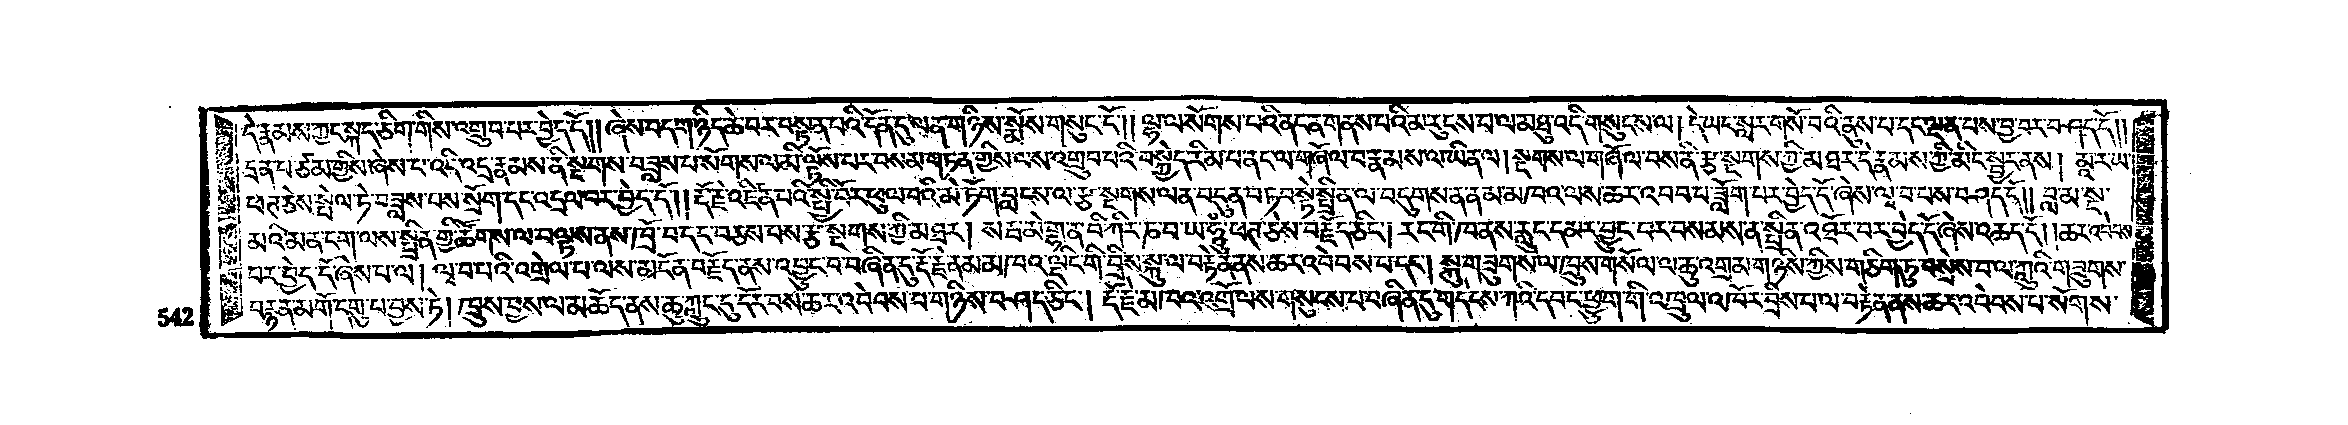དེ་རྣམས་ཀྱང་སྐད་ཅིག་གིས་འགྲུབ་པར་བྱེད་དོ། །ཞེས་བདག་ཉིད་ཆེ་བར་བསྟན་པའི་དོན་དུ་ལན་གཉིས་སྨོས་གསུང་ངོ། །ལྷ་ལ་སོགས་པའི་ནང་ན་གནས་པའི་མ་རུངས་པ་ལ་མཐུ་འདི་གསུངས་ལ། དེ་ཡང་སླར་གསོ་བའི་ནུས་པ་དང་ལྡན་པས་བྱ་བར་བཤད་དོ། །
དྲན་པ་ཙམ་གྱིས་ཞེས་པ་འདི་འདྲ་རྣམས་ནི་སྔགས་བཟླས་པ་སོགས་ལ་མི་ལྟོས་པར་བསམ་གཏན་གྱིས་ལས་འགྲུབ་པའི་བསྐྱེད་རིམ་པ་ནང་ལ་གཞོལ་བ་རྣམས་ལ་ཡིན་ལ། སྔགས་ལ་གཞོལ་བས་ནི་རྩ་སྔགས་ཀྱི་མཐར་དེ་རྣམས་ཀྱི་མིང་སྦྱར་ནས། མཱ་ར་ཡ་
ཕཊ་ཅེས་སྤེལ་ཏེ་བཟླས་པས་སྲོག་དང་འདྲལ་བར་བྱེད་དོ། །རྡོ་རྗེ་འཛིན་པའི་སྤྱི་བོར་ཕུལ་བའི་མེ་ཏོག་བླངས་ལ་རྩ་སྔགས་ལན་བདུན་བཏབ་སྟེ་སྤྲིན་ལ་བདུགས་ན་ནམ་མཁའ་ལས་ཆར་འབབ་པ་ཟློག་པར་བྱེད་དོ་ཞེས་ལྭ་བ་པས་བཤད་དོ། །བླ་མ་སྔ་
མའི་མན་ངག་ལས་སྤྲིན་གྱི་ཚོགས་ལ་བལྟས་ནས་ཁྲོ་བ་དང་བཅས་པས་རྩ་སྔགས་ཀྱི་མཐར། སརྦ་མེ་གྷ་ན་བི་ཀིར་ཎ་བ་ཡ་ཧཱུཾ་ཕཊ་ཅེས་བརྗོད་ཅིང་། རང་གི་ཁ་ནས་རླུང་དམར་བྱུང་བར་བསམས་ན་སྤྲིན་འཐོར་བར་བྱེད་དོ་ཞེས་འཆད་དོ། །ཆར་འབེབས་
པར་བྱེད་དོ་ཞེས་པ་ལ། ལྭ་བ་པའི་འགྲེལ་པ་ལས་མངོན་བརྗོད་ནས་འབྱུང་བ་བཞིན་དུ་རྡོ་རྗེ་ནམ་མཁའ་ལྡིང་གི་བྲིས་སྐུ་ལ་བརྟེན་ནས་ཆར་འབེབས་པ་དང་། སྐུ་གཟུགས་ལ་ཁྲུས་གསོལ་ལ་ཆུ་འགྲམ་གཉིས་ཀྱིས་གཅིག་ཏུ་བསྲེས་བ་ལ་ཀླུའི་གཟུགས་
བརྙན་མགོ་དགུ་པ་བྱས་ཏེ། ཁྲུས་བྱས་ལ་མཆོད་ནས་ཆུ་ཀླུང་དུ་དོར་བས་ཆར་འབེབས་པ་གཉིས་བཤད་ཅིང་། རྡོ་རྗེ་མཁའ་འགྲོ་ལས་གསུངས་པ་བཞིན་དུ་གདེངས་ཀའི་དབང་ཕྱུག་གི་འཁྲུལ་འཁོར་བྲིས་པ་ལ་བརྟེན་ནས་ཆར་འབེབས་པ་སོགས་